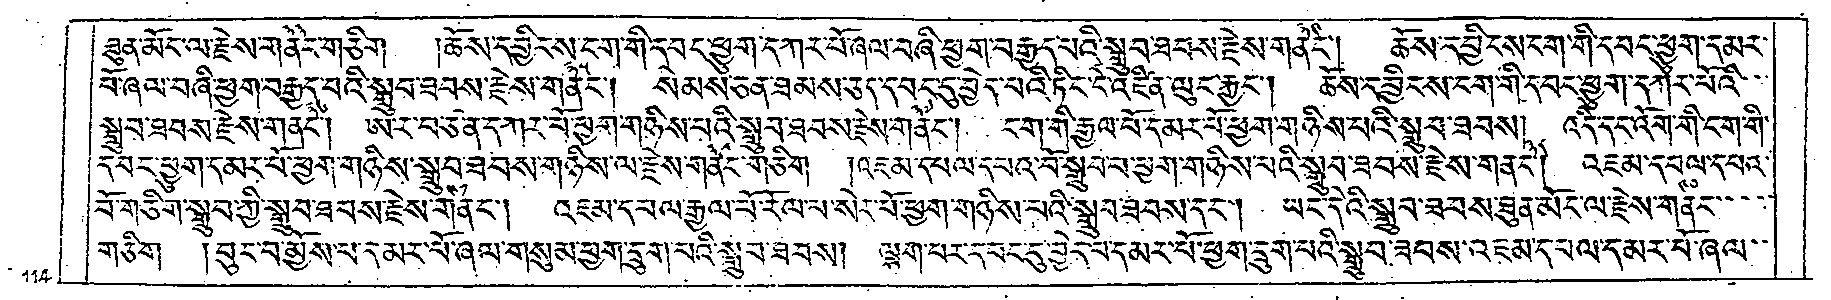ཐུན་མོང་ལ་རྗེས་གནང ༢༢་གཅིག །ཆོས་དབྱིངས་ངག་གི་དབང་ཕྱུག་དཀར་པོ་ཞལ་བཞི་ཕྱག་བརྒྱད་པའི་སྒྲུབ་ཐབས་རྗེས་གནང ༣༤། ཆོས་དབྱིངས་ངག་གི་དབང་ཕྱུག་དམར་
པོ་ཞལ་བཞི་ཕྱག་བརྒྱད་པའི་སྒྲུབ་ཐབས་རྗེས་གནང ༣༥། སེམས་ཅན་ཐམས་ཅད་དབང་དུ་བྱེད་པའི་ཏིང་ངེ་འཛིན་ལུང་རྐྱང་། ཆོས་དབྱིངས་ངག་གི་དབང་ཕྱུག་དཀར་པོའི་
སྒྲུབ་ཐབས་རྗེས་གནང ༣༦། ཨ་ར་པ་ཙ་ན་དཀར་པོ་ཕྱག་གཉིས་པའི་སྒྲུབ་ཐབས་རྗེས་གནང ༣༧། ངག་གི་རྒྱལ་པོ་དམར་པོ་ཕྱག་གཉིས་པའི་སྒྲུབ་ཐབས། འདི་དང་འོག་གི་ངག་གི་
དབང་ཕྱུག་དམར་པོ་ཕྱག་གཉིས་སྒྲུབ་ཐབས་གཉིས་ལ་རྗེས་གནང ༣༩་གཅིག །འཇམ་དཔལ་དཔའ་བོ་སྒྲུབ་པ་ཕྱག་གཉིས་པའི་སྒྲུབ་ཐབས་རྗེས་གནང ༣༨། འཇམ་དཔལ་དཔའ་
བོ་གཅིག་སྒྲུབ་ཀྱི་སྒྲུབ་ཐབས་རྗེས་གནང ༤༡། འཇམ་དཔལ་རྒྱལ་པོ་རོལ་པ་སེར་པོ་ཕྱག་གཉིས་པའི་སྒྲུབ་ཐབས་དང་། ཡང་དེའི་སྒྲུབ་ཐབས་ཐུན་མོང་ལ་རྗེས་གནང ༤ཨོ་
གཅིག །བུང་བ་མྱོས་པ་དམར་པོ་ཞལ་གསུམ་ཕྱག་དྲུག་པའི་སྒྲུབ་ཐབས། ལྷག་པར་དབང་དུ་བྱེད་པ་དམར་པོ་ཕྱག་དྲུག་པའི་སྒྲུབ་ཐབས་འཇམ་དཔལ་དམར་པོ་ཞལ་